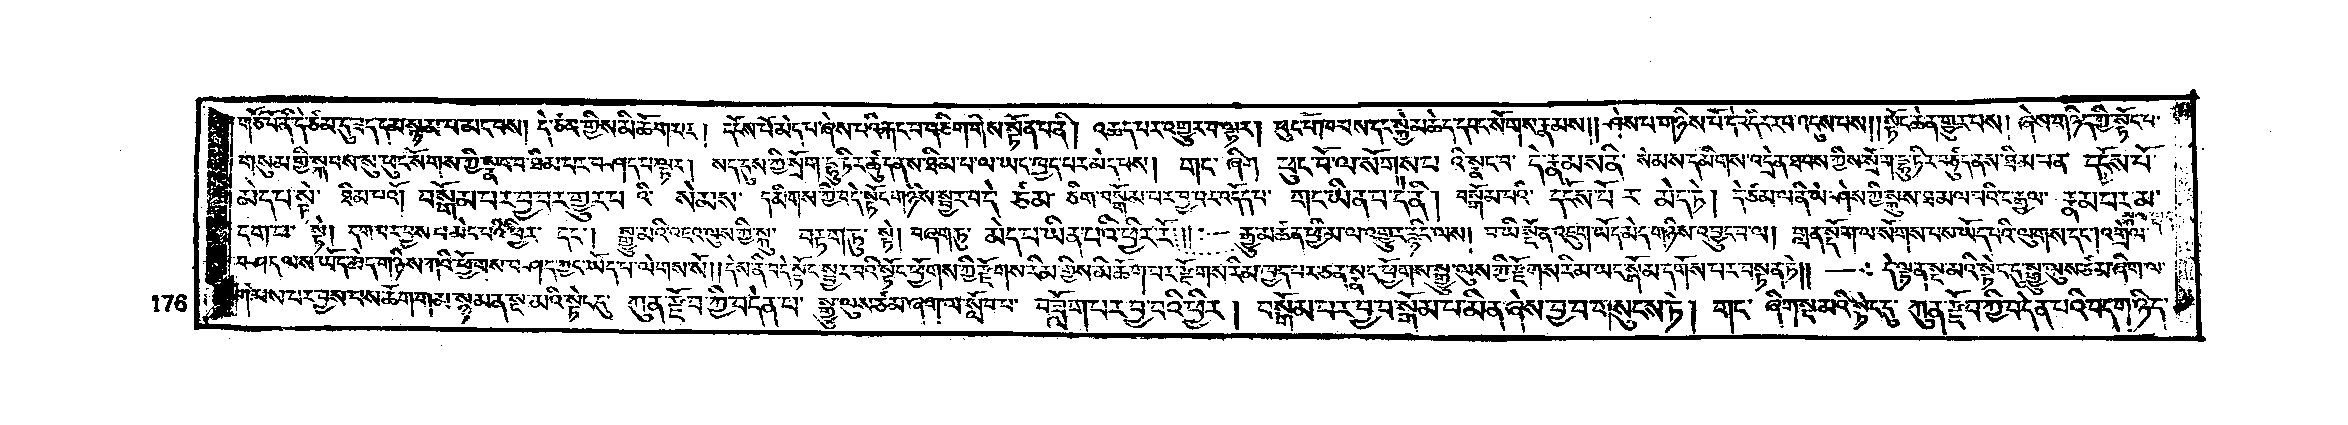གཙོ་བོ་ནི་དེ་ཙམ་དུ་ཟད་དམ་སྙམ་པ་མང་བས། དེ་ཙམ་གྱིས་མི་ཆོག་པར། དངོས་པོ་མེད་པ་ཞེས་པའི་རྐང་པ་གཅིག་གིས་སྟོན་པ་ནི། འཆད་པར་འགྱུར་བ་ལྟར། ཕུང་པོ་ཁམས་དང་སྐྱེ་མཆེད་དབང་སོགས་རྣམས། །ཤེས་པ་གཉིས་པོ་དེ་འདིར་རབ་འདུས་པས། །སྟོང་ཆེན་གྱུར་པས། ཞེས་གཉིད་ཀྱི་སྟོང་པ་
གསུམ་གྱི་སྐབས་སུ་ཕུང་སོགས་ཀྱི་སྣང་བ་ཐིམ་པར་བཤད་པ་ལྟར། སད་དུས་ཀྱི་སྲོག་དྷུ་ཏིར་ཚུད་ནས་ཐིམ་པ་ལ་ཡང་ཁྱད་པར་མེད་པས། གང་ཞིག་ཕུང་པོ་ལ་སོགས་པའི་སྣང་བ་དེ་རྣམས་ནི་སེམས་དམིགས་འདྲེན་ཐབས་ཀྱིས་སྲོག་དྷུ་ཏིར་བཙུད་ནས་ཐིམ་པ་ན་དངོས་པོ་
མེད་པ་སྟེ་ཐིམ་པའི།  བསྒོམ་པར་བྱ་བར་གྱུར་པའི་སེམས་དམིགས་ཀྱི་བདེ་སྟོང་གཉིས་སྦྱར་བ་དེ་ཙམ་ཅིག་བསྒོམ་པར་བྱ་བར་འདོད་པ་གང་ཡིན་པ་དེ་ནི། བསྒོམ་པའི་དངོས་པོར་མེད་ཏེ། དེ་ཙམ་ལ་ནི་ཡེ་ཤེས་ཀྱི་སྐུས་ཐ་མལ་པའི་ང་རྒྱལ་རྣམ་པར་མ་
དག་པ་སྟེ། དག་པར་བྱས་པ་མེད་པའི་ཕྱིར་དང་། སྒྱུ་མའི་འཇའ་ལུས་ཀྱི་སྐུ་བརྟག་ཏུ་སྟེ། བཞག་ཏུ་མེད་པ་ཡིན་པའི་ཕྱིར་རོ།། H.་རྒྱུ་མཚན་ཕྱི་མ་ལ་འགྱུར་རྙིང་ལས། བ་ཡི་སྔོན་འཇུག་ཡོད་མེད་གཉིས་འབྱུང་བ་ལ། གླན་སྡོག་ལ་སོགས་པས་ཡོད་པའི་ལུགས་དང་། སྐལ་ལྡན་འགྲེལ་
བཤད་ལས་ཡོད་མེད་གཉིས་ཀའི་ཕྱོགས་བཤད་ཀྱང་ཡོད་པ་ལེགས་སོ། །དེས་ནི་བདེ་སྟོང་སྦྱར་བའི་སྟོང་ཕྱོགས་ཀྱི་རྫོགས་རིམ་གྱིས་མི་ཆོག་པར་རྫོགས་རིམ་ཁྱད་པར་ཅན་སྣང་ཕྱོགས་སྒྱུ་ལུས་ཀྱི་རྫོགས་རིམ་ཡང་སྒོམ་དགོས་པར་བསྟན་ཏེ།། .Hདེ་ལྟ་ན་སྔ་མའི་སྟེང་དུ་སྒྱུ་ལུས་ཙམ་ཞིག་ལ་
གོམས་པར་བྱས་པས་ཆོག་གམ་སྙམ་ན་སྔ་མའི་སྟེང་དུ་ཀུན་རྫོབ་ཀྱི་བདེན་པ་སྒྱུ་ལུས་ཙམ་ཞིག་ལ་སློབ་པ་བཟློག་པར་བྱ་བའི་ཕྱིར། བསྒོམ་པར་བྱ་བ་སྒོམ་པ་མིན་ཞེས་བྱ་བ་གསུངས་ཏེ། གང་ཞིག་སྔ་མའི་སྟེང་དུ་ཀུན་རྫོབ་ཀྱི་བདེན་པའི་བདག་ཉིད་